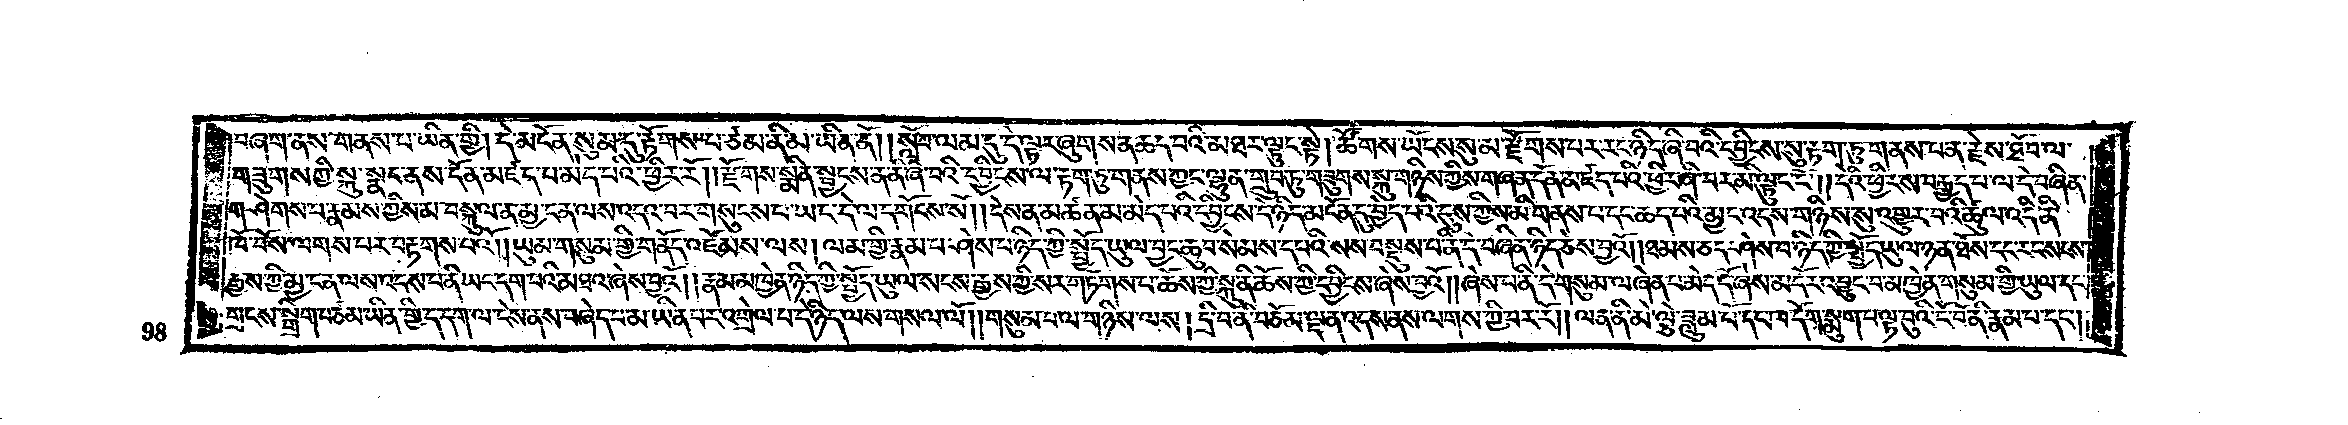བཞག་ནས་གནས་པ་ཡིན་གྱི། དེ་མངོན་སུམ་དུ་རྟོགས་པ་ཙམ་ནི་མ་ཡིན་ནོ། །སློབ་ལམ་དུ་དེ་ལྟར་ཞུགས་ན་ཆད་པའི་མཐར་ལྟུང་སྟེ། ཚོགས་ཡོངས་སུ་མ་རྫོགས་པར་རང་ཉིད་ཞི་བའི་དབྱིངས་སུ་རྟག་ཏུ་གནས་པ་ན་རྗེས་ཐོབ་ལ་
གཟུགས་ཀྱི་སྐུ་སྣང་ནས་དོན་མཛད་པ་མེད་པའི་ཕྱིར་རོ། །རྫོགས་སྨིན་སྦྱངས་ན་ནི་ཞི་བའི་དབྱིངས་ལ་རྟག་ཏུ་གནས་ཀྱང་ལྷུན་གྲུབ་ཏུ་གཟུགས་སྐུ་གཉིས་ཀྱིས་གཞན་དོན་མཛད་པའི་ཕྱིར་ཞི་བར་མི་ལྟུང་ངོ། །དེའི་ཕྱིར་ས་བརྒྱད་པ་ལ་དེ་བཞིན་
གཤེགས་པ་རྣམས་ཀྱིས་མ་བསྐུལ་ན་མྱ་ངན་ལས་འདའ་བར་གསུངས་པ་ཡང་དེ་ལ་དགོངས་སོ། །དེས་ན་མཚན་མ་མེད་པའི་དབྱིངས་དེ་ཉིད་མངོན་དུ་བྱེད་པའི་དུས་ཀྱིས་མི་གནས་པ་དང་ཆད་པའི་མྱང་འདས་གཉིས་སུ་འགྱུར་བའི་ཚུལ་འདི་ནི་
ཁོ་བོས་ལགས་པར་བརྟགས་པའོ། །ཡུམ་གསུམ་གྱི་གནོད་འཇོམས་ལས། ལམ་གྱི་རྣམ་པ་ཤེས་པ་ཉིད་ཀྱི་སྤྱོད་ཡུལ་བྱང་ཆུབ་སེམས་དཔའི་སས་བསྡུས་པ་ནི་དེ་བཞིན་ཉིད་ཅེས་བྱའོ། །ཐམས་ཅད་ཤེས་པ་ཉིད་ཀྱི་སྤྱོད་ཡུལ་ཉན་ཐོས་དང་རང་སངས་
རྒྱས་ཀྱི་མྱ་ངན་ལས་འདས་པ་ནི་ཡང་དག་པའི་མཐའ་ཞེས་བྱའོ། །རྣམ་མཁྱེན་ཉིད་ཀྱི་སྤྱོད་ཡུལ་སངས་རྒྱས་ཀྱི་སར་གཏོགས་པ་ཆོས་ཀྱི་སྐུ་ནི་ཆོས་ཀྱི་དབྱིངས་ཞེས་བྱའོ། །ཞེས་པ་ནི་དེ་གསུམ་ལ་ཞེན་པ་མེད་དོ་ཞེས་མདོར་འབྱུང་བ་མཁྱེན་གསུམ་གྱི་ཡུལ་དང་
གྲངས་སྒྲིག་པ་ཙམ་ཡིན་གྱི་དེ་དག་ལ་ངེས་ནས་བཞེད་པ་མ་ཡིན་པར་འགྲེལ་པ་དེ་ཉིད་ལས་གསལ་ལོ། །གསུམ་པ་ལ་གཉིས་ལས། དྲི་བ་ནི་བཅོམ་ལྡན་འདས་ནས་ལགས་ཀྱི་བར་རོ། །ལན་ནི་མེ་ལྕེ་ཟླུམ་པོ་དང་ཁ་དོག་སྨུག་པ་ལྟ་བུའི་ངོ་བོ་ནི་རྣམ་པ་དང་།